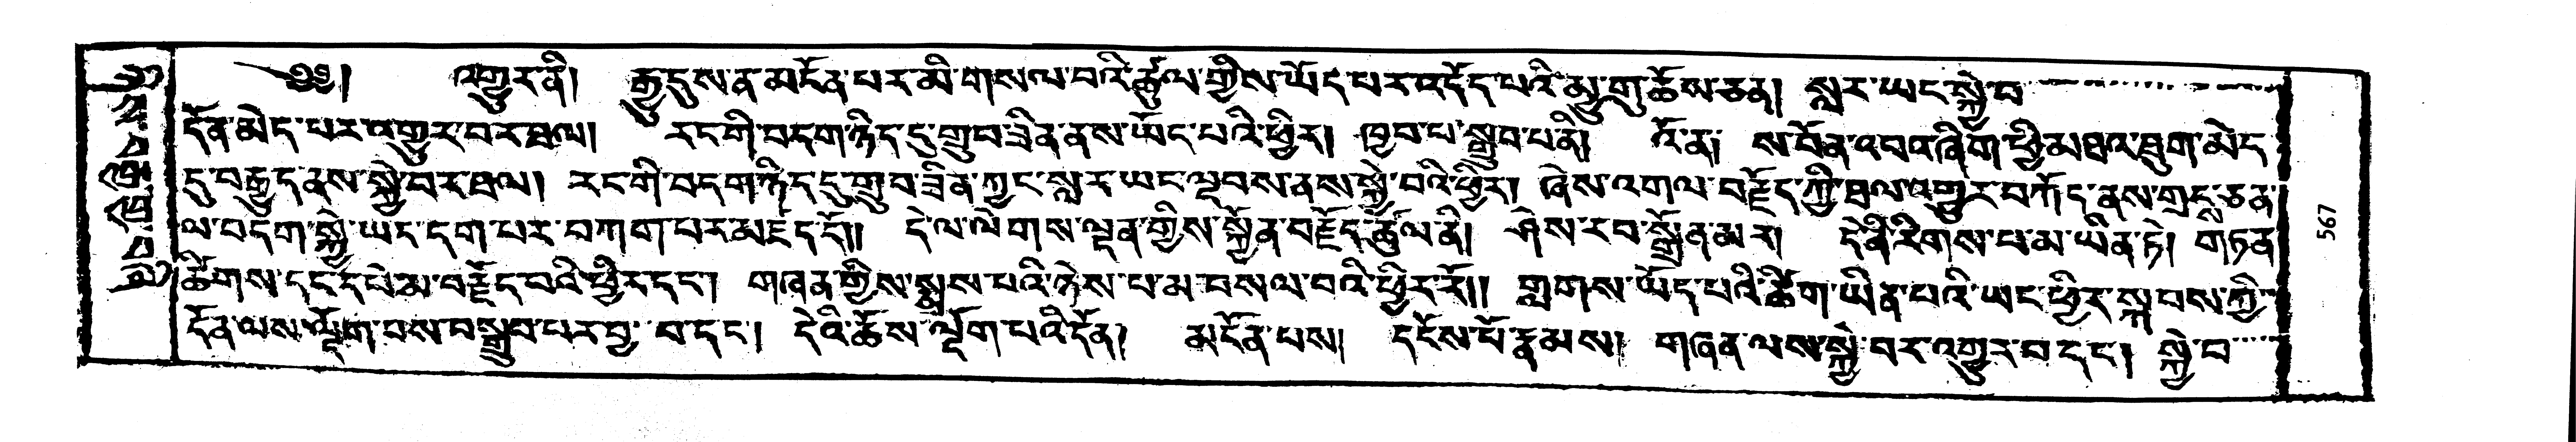༄༅། །འགྱུར་ནི། རྒྱུ་དུས་ན་མངོན་པར་མི་གསལ་བའི་ཚུལ་གྱིས་ཡོད་པར་འདོད་པའི་མྱུ་གུ་ཆོས་ཅན། སླར་ཡང་སྐྱེ་བ་
དོན་མེད་པར་འགྱུར་བར་ཐལ། རང་གི་བདག་ཉིད་དུ་གྲུབ་ཟིན་ནས་ཡོད་པའི་ཕྱིར། ཁྱབ་པ་སྒྲུབ་པ་ནི། འོ་ན། ས་བོན་འབའ་ཞིག་ཕྱི་མཐའ་ཐུག་མེད་
དུ་བརྒྱུད་ནས་སྐྱེ་བར་ཐལ། རང་གི་བདག་ཉིད་དུ་གྲུབ་ཟིན་ཀྱང་སླར་ཡང་ལྡབས་ནས་སྐྱེ་བའི་ཕྱིར། ཞེས་འགལ་བརྗོད་ཀྱི་ཐལ་འགྱུར་བཀོད་ནས་གྲངས་ཅན་
ལ་བདག་སྐྱེ་ཡང་དག་པར་བཀག་པར་མཛད་དོ། །དེ་ལ་ལེགས་ལྡན་གྱིས་སྐྱོན་བརྗོད་ཚུལ་ནི། ཤེས་རབ་སྒྲོན་མར། དེ་ནི་རིགས་པ་མ་ཡིན་ཏེ། གཏན་
ཚིགས་དང་དཔེ་མ་བརྗོད་པའི་ཕྱིར་དང་། གཞན་གྱིས་སྨྲས་པའི་ཉེས་པ་མ་བསལ་བའི་ཕྱིར་རོ། །གླགས་ཡོད་པའི་ཚིག་ཡིན་པའི་ཡང་ཕྱིར་སྐབས་ཀྱི་
དོན་ལས་ལྡོག་པས་བསྒྲུབ་པར་བྱ་བ་དང་། དེའི་ཆོས་ལྡོག་པའི་དོན། མངོན་པས། དངོས་པོ་རྣམས། གཞན་ལས་སྐྱེ་བར་འགྱུར་བ་དང་། སྐྱེ་བ་